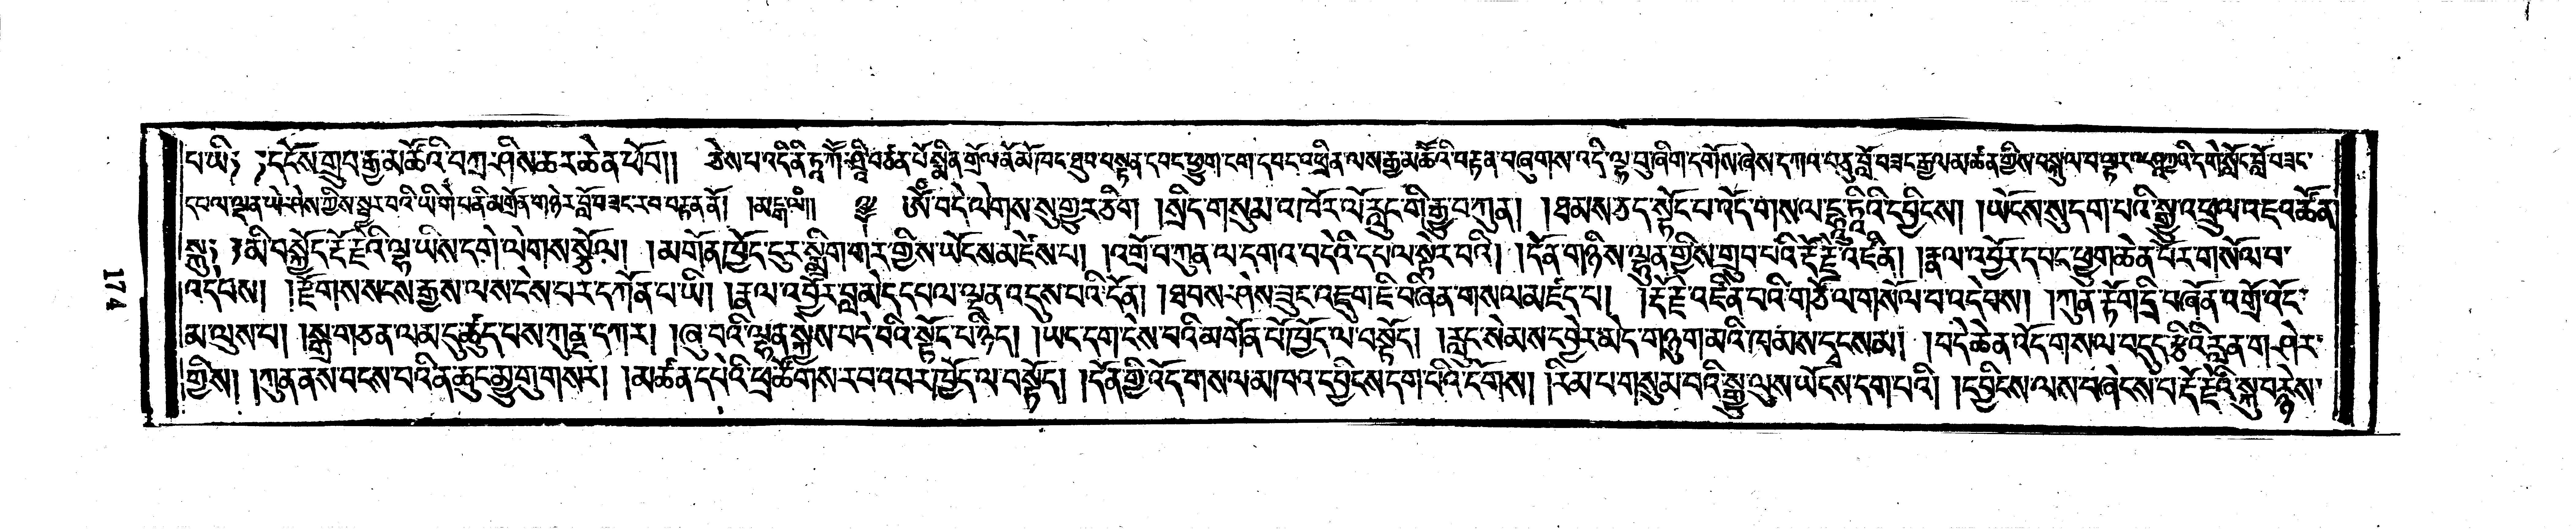པ་ཡི༑ ༑དངོས་གྲུབ་རྒྱ་མཚོའི་བཀྲ་ཤིས་ཆར་ཆེན་ཕོབ།། ཅེས་པ་འདི་ནི་ཏཱ་ཀཽ་ཤྲཱི་བཙན་པོ་སྨིན་གྲོལ་ནོ་མོ་ཁང་ཐུབ་བསྟན་དབང་ཕྱུག་ངག་དབང་འཕྲིན་ལས་རྒྱ་མཚོའི་བརྟན་བཞུགས་འདི་ལྟ་བུ་ཞིག་དགོས་ཞེས་དཀའ་བཅུ་བློ་བཟང་རྒྱལ་མཚན་གྱིས་བསྐུལ་བ་ལྟར་༧་ཤཱཀྱའི་དགེ་སློང་བློ་བཟང་
དཔལ་ལྡན་ཡེ་ཤེས་ཀྱིས་སྦྱར་བའི་ཡི་གེ་པ་ནི་མགྲོན་གཉེར་བློ་བཟང་རབ་བརྟན་ནོ། །མངྒ་ལཾ། ༈ ཨོཾ་བདེ་ལེགས་སུ་གྱུར་ཅིག །སྲིད་གསུམ་འཁོར་ལོ་རླུང་གི་རྒྱུ་བ་ཀུན། །ཐམས་ཅད་སྟོང་པ་འོད་གསལ་དྷཱུ་ཏཱིའི་དབྱིངས། །ཡོངས་སུ་དག་པའི་སྒྱུ་འཕྲུལ་འཇའ་ཚོན་
སྐུ༑ ༑མི་བསྐྱོད་རྡོ་རྗེའི་ལྷ་ཡིས་དགེ་ལེགས་སྩོལ། །མགོན་ཁྱོད་དུར་སྨྲིག་གར་གྱིས་ཡོངས་མཛེས་པ། །འགྲོ་བ་ཀུན་ལ་དགའ་བདེའི་དཔལ་སྟེར་བའི། །དོན་གཉིས་ལྷུན་གྱིས་གྲུབ་པའི་རྡོ་རྗེ་འཛིན། །རྣལ་འབྱོར་དབང་ཕྱུག་ཆེན་པོར་གསོལ་བ་
འདེབས། །རྫོགས་སངས་རྒྱས་ལས་ངེས་པར་དཀོན་པ་ཡི། །རྣལ་འབྱོར་བླ་མེད་དཔལ་ལྡན་འདུས་པའི་དོན། །ཐབས་ཤེས་ཟུང་འཇུག་ཇི་བཞིན་གསལ་མཛད་པ། །རྡོ་རྗེའི་འཛིན་པའི་གཙོ་ལ་གསོལ་བ་འདེབས། །ཀུན་རྟོག་དྲི་བཞོན་འགྲོ་འོང་
མ་ལུས་པ། །སྒྲ་གཅན་ལམ་དུ་ཚུད་པས་ཀུནྡ་དཀར། །ཞུ་བའི་ལྷན་སྐྱེས་བདེ་བའི་སྟོང་པ་ཉིད། །ཡང་དག་ངེས་པའི་མགོན་པོ་ཁྱོད་ལ་བསྟོད། །རླུང་སེམས་དབྱེར་མེད་གཉུག་མའི་ཁམས་དྭངས་མ། །བདེ་ཆེན་འོད་གསལ་བདུད་རྩིའི་རླན་གཤེར་
གྱིས། །ཀུན་ནས་བངས་པའི་ན་ཆུང་མྱུ་གུ་གསར། །མཚན་དཔེའི་ཕྲ་ཚོགས་རབ་འབར་ཁྱོད་ལ་བསྟོད། །དོན་གྱི་འོད་གསལ་མཁའ་དབྱིངས་དག་པའི་དོགས། །རིམ་པ་གསུམ་པའི་སྒྱུ་ལུས་ཡོངས་དག་པའི། །དབྱིངས་ལས་བཞེངས་པ་རྡོ་རྗེའི་སྐུ་བརྙེས་